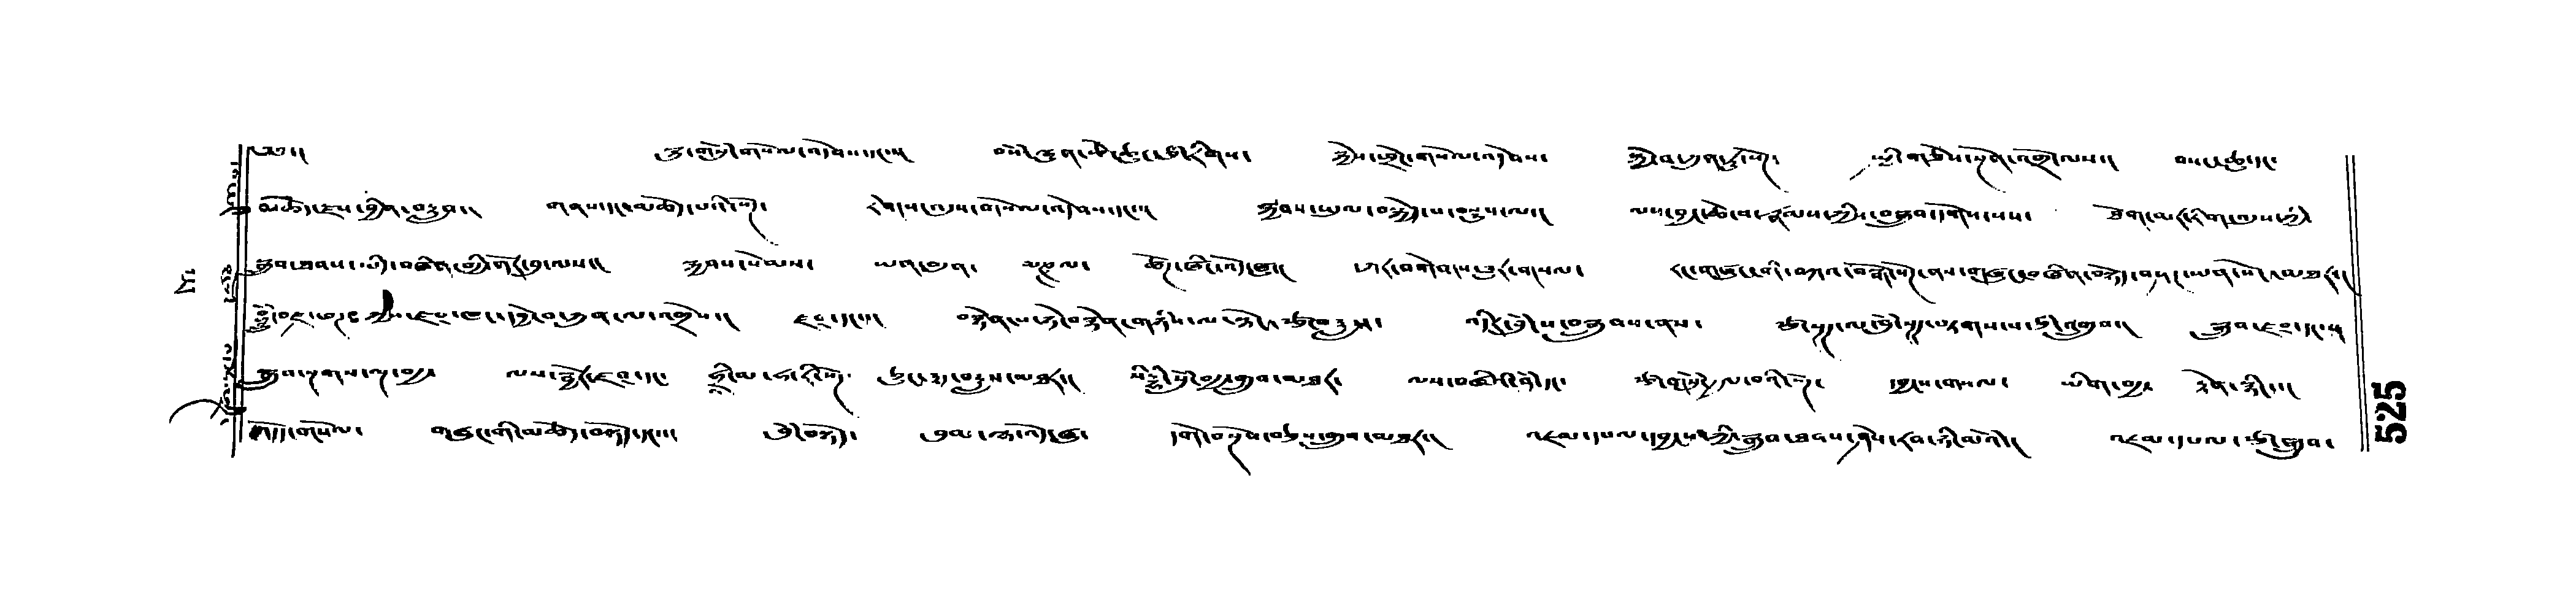སྐུ་གསུམ་གསོལ་འདེབས་དང་། བསམ་ལྷུན་ཆེ་ཆུང་ཅི་རིགས། སྐྱེས་ཕྲེང་གསོལ་འདེབས། སྐྱེ་བ་ཀུན་ཏུ་སོགས། སྤྱི་གཅེས་སྔོན་འགྲོ་ལས། བསང་ཆུ་དང་
མཆོད་རྫས་བྱིན་བརླབ། གནས་དང་མཆོད་པའི་སོགས། རིགས་འདུས་གསོལ་འདེབས་དང་། སྐྱབས་ཡུལ་བསྐྱེད་པ་བསྡུས་ལ། ལས་བྱང་ཆེ་བ་རྣམས་ཀྱིས་བསྒྲུབ་དགོས་པས། ཐོག་མར་རིག་འདུས་ཀྱི་
སྒྲུབ་ཐབས་ཡིད་བཞིན་གྱི་ནོར་བུ་ལས། སྐྱབས་སེམས། ཡན་བདུན། མཎྜལ། ཚོགས་ཞིང་འོད་ཞུ། དཀར་བགེགས་ཟུར་གསལ། རང་གཞུང་གི་བཀའ་བསྒོ་སོགས་ནས་གཞུང་བཞིན་བསྟོད་བཤགས་ཡན་སོང་མཐར། 
བྷྲཱུྃ་བཛྲ་ཕཊཿ ཀྱིས་འཛབ་ཁང་དབྱེ་བ་ཀུན་ལ་འགྲེས། འཛབ་དང་། བསྙེན་པ་ཉེ་བསྟེན་གཉིས་ལ་སྟོང་རྩ་བཟླ། འདིར་བུམ་པ་བསྒྲུབས་ནས། རྩ་སྔགས་ལ་བུམ་སྔགས་བཏགས་པ་ཅི་འགྲུབ། སྒྲུབ་འཛབ་དང་། 
སྒྲུབ་སྔགས་ལྔ་བརྒྱ། ལས་སྦྱོར་འཛབ་དང་། ཧྲཱི་མ་ཧ་རི་སོགས། ཅུང་ཟད་བཟླས་མཐར།སིདྡྷི་སུམ་བརྒྱ་གྲུབ་མཐར། ལས་བཞིའི་ཤམ་དང་། རྩ་གསུམ་རྒྱལ་བའི་སོགས། དབྱངས་གསལ། ཡིག་བརྒྱ། རྟེན་སྙིང་། 
འདོད་གསོལ། གཞུང་གི་མཆོད་བསྟོད་དང་། བུམ་བསྟོད། བུམ་ལྷ་འོད་ཞུ། དགེ་བསྔོ་བཅས་གྲུབ་མཐར། འཇམ་དཔལ་དབྱངས་ཀྱི་སྒྲུབ་ཐབས་ཤེས་རབ་ཉི་མའམ། འཇམ་དཔལ་རྩ་སྒྲུབ་